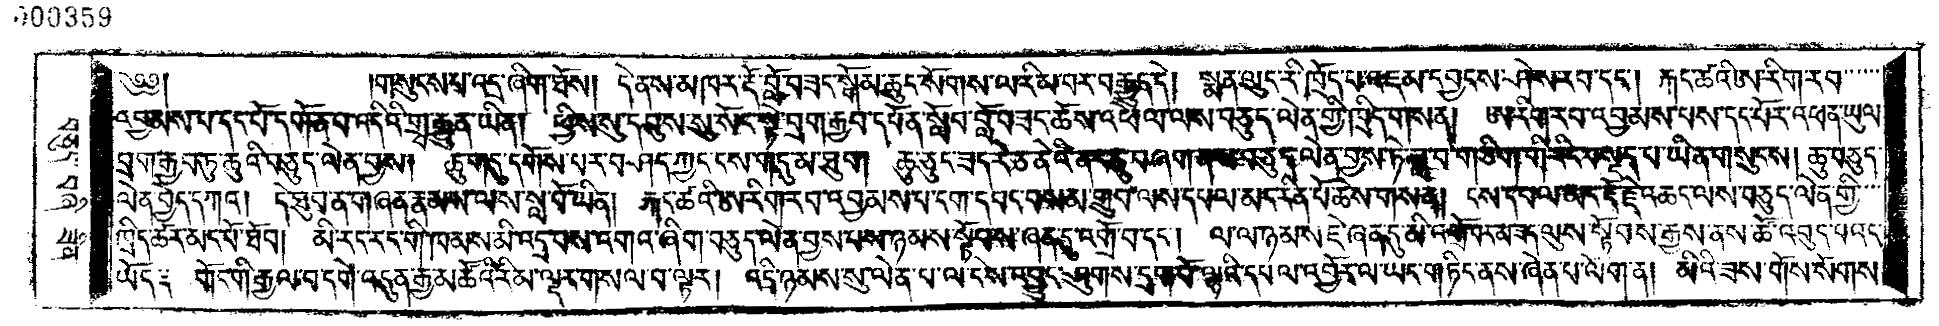༄༅། །གསུངས་པ་འདྲ་ཞིག་ཐོས། དེ་ནས་མཁར་རྡོ་བློ་བཟང་སྒོམ་ཆུང་སོགས་ལ་རིམ་པར་བརྒྱུད་དེ། སྨན་ལུང་རི་ཁྲོད་པ་འཇམ་དབྱངས་ཤེས་རབ་དང་། རྐང་ཚའི་ཨ་རིག་རབ་
འབྱམས་པ་དང་པོ་དགོན་པ་འདིའི་གྲྭ་རྒྱུན་ཡིན། ཕྱིས་སུ་དབུས་སུ་སོང་སྟེ་བྲག་རྒྱབ་དཔོན་སློབ་བློ་བཟང་ཆོས་འཕེལ་ལས་བཅུད་ལེན་གྱི་ཁྲིད་གསན། ཨ་རིག་རབ་འབྱམས་པས་དང་པོར་འཕན་ཡུལ་
བྲག་རྒྱབ་ཏུ་ཆུའི་བཅུད་ལེན་བྱས། ཆུ་གདུ་དགོས་པར་བཤད་ཀྱང་ངས་གདུ་མ་ཐུབ། ཆུ་ཅུང་ཟད་རེ་ཅ་ནེའི་ནང་དུ་བཞག་ནས་བཅུད་ལེན་བྱས་ཏེ་ཟླ་བ་གཅིག་གི་རིང་བསྡད་པ་ཡིན་གསུངས། ཆུ་བཅུད་
ལེན་བྱེད་དཀའ། དེ་ཐུབ་ན་གཞན་རྣམས་ལས་སླ་བོ་ཡིན། རྐང་ཚའི་ཨ་རིག་རབ་འབྱམས་པ་ངག་དབང་བསམ་གྲུབ་ལས་དཔལ་མང་རིན་པོ་ཆེས་གསན། ངས་དཔལ་མང་རྡོ་རྗེ་འཆང་ལས་བཅུད་ལེན་གྱི་
ཁྲིད་ཚར་མང་པོ་ཐོབ། མི་རང་རང་གི་ཁམས་མི་འདྲ་བས་འགའ་ཞིག་བཅུད་ལེན་བྱས་པས་ཉམས་སྟོབས་ཞན་དུ་འགྲོ་བ་དང་། ལ་ལ་ཉམས་ཇེ་ཞན་དུ་མི་འགྲོ་བར་མ་ཟད་ལུས་སྟོབས་རྒྱས་ནས་ཚོ་འབུད་པའང་
ཡོད༑ གོང་གི་རྒྱལ་བ་དགེ་འདུན་རྒྱ་མཚོའི་རིམ་ལྔར་གསལ་བ་ལྟར། འདི་ཉམས་སུ་ལེན་པ་ལ་ངེས་འབྱུང་ཤུགས་དྲག་པོ་ལྷའི་དཔལ་འབྱོར་ལ་ཡང་གཏིང་ནས་ཞེན་པ་ལོག་ན། མིའི་ཟས་གོས་སོགས་